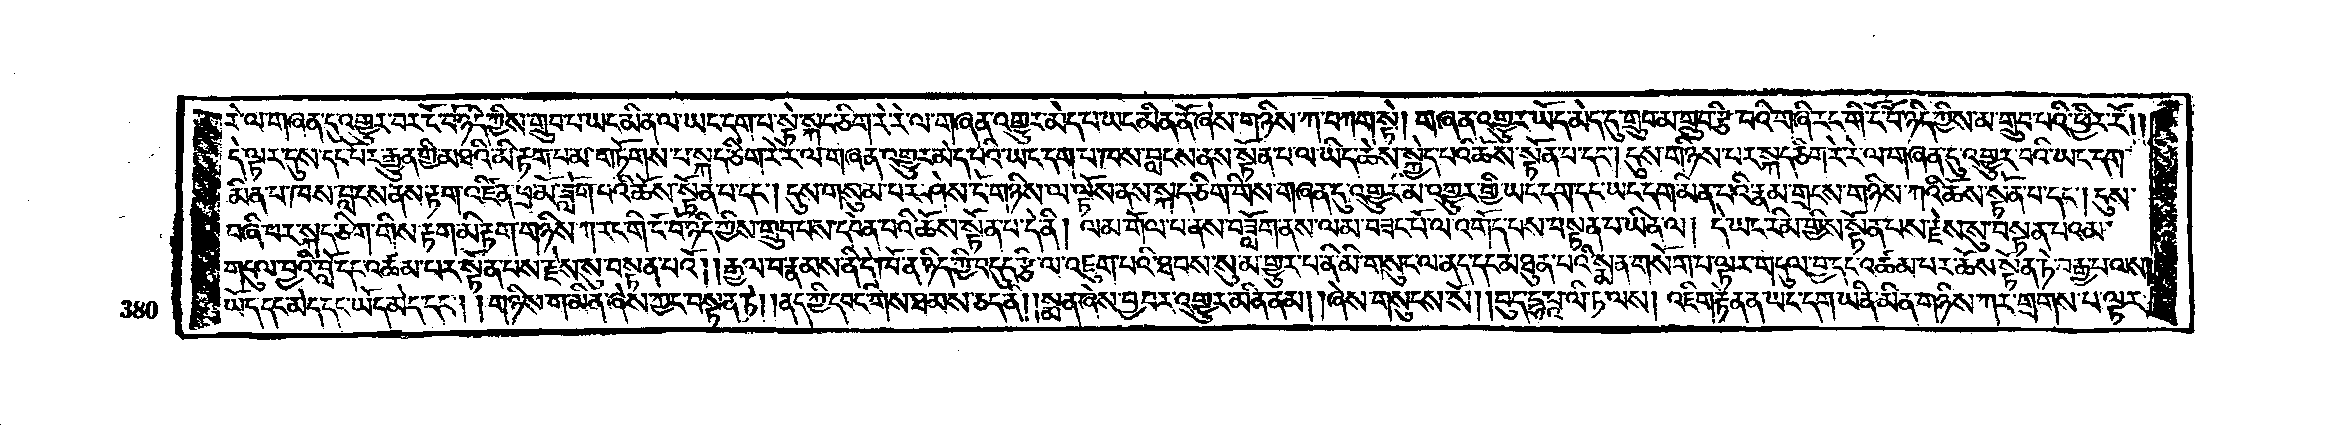རེ་ལ་གཞན་དུ་འགྱུར་བར་ངོ་བོ་ཉིད་ཀྱིས་གྲུབ་པ་ཡང་མིན་ལ་ཡང་དག་པ་སྟེ་སྐད་ཅིག་རེ་རེ་ལ་གཞན་འགྱུར་མེད་པ་ཡང་མིན་ནོ་ཞེས་གཉིས་ཀ་བཀག་སྟེ། གཞན་འགྱུར་ཡོད་མེད་དུ་གྲུབ་མ་གྲུབ་རྩི་བའི་གཞི་རང་གི་ངོ་བོ་ཉིད་ཀྱིས་མ་གྲུབ་པའི་ཕྱིར་རོ། །
དེ་ལྟར་དུས་དང་པར་རྒྱུན་གྱི་མཐའི་མི་རྟག་པ་མ་གཏོགས་པ་སྐད་ཅིག་རི་ར་ལ་གཞན་འགྱུར་མེད་པའི་ཡང་དག་པ་ཁས་བླངས་ནས་སྟོན་པ་ལ་ཡིད་ཆེས་སྐྱེད་པའི་ཆོས་སྟོན་པ་དང་། དུས་གཉིས་པར་སྐད་ཅིག་རེ་རེ་ལ་གཞན་དུ་འགྱུར་བའི་ཡང་དག་
མིན་པ་ཁས་བླངས་ནས་རྟག་འཛིན་ཕྲ་མོ་ཟློག་པའི་ཆོས་སྟོན་པ་དང་། དུས་གསུམ་པར་ཤེས་དོ་གཉིས་ལ་ལྟོས་ནས་སྐད་ཅིག་གིས་གཞན་དུ་འགྱུར་མི་འགྱུར་གྱི་ཡང་དག་དང་ཡང་དག་མིན་པའི་རྣམ་གྲངས་གཉིས་ཀའི་ཆོས་སྟོན་པ་དང་། དུས་
བཞི་པར་སྐད་ཅིག་གིས་རྟག་མི་རྟག་གཉིས་ཀ་རང་གི་ངོ་བོ་ཉིད་ཀྱིས་གྲུབ་པས་དཔོན་པའི་ཆོས་སྟོན་པ་དེ་ནི། ལམ་གོལ་བ་ནས་བཟློག་ནས་ལམ་བཟང་པོ་ལ་འགོད་པས་བསྟན་པ་ཡིན་ལ། དེ་ཡང་རིམ་གྱིས་སྟོན་པས་རྗེས་སུ་བསྟན་པའམ་
གདུལ་བྱའི་བློ་དང་འཆམ་པར་སྟོན་པས་རྗེས་སུ་བསྟན་པའོ། །རྒྱལ་བ་རྣམས་ནི་དེ་ཁོ་ན་ཉིད་ཀྱི་བདུད་རྩི་ལ་འཇུག་པའི་ཐབས་སུ་མ་གྱུར་པ་ནི་མི་གསུང་ལ་ནད་དང་མཐུན་པའི་སྨན་གསོག་པ་ལྟར་གདུལ་བྱ་དང་འཚམ་བར་ཆོས་སྟོན་ཏེ་བརྒྱ་པ་ལས་
ཡོད་དང་མེད་དང་ཡོད་མེད་དང་། །གཉིས་ག་མིན་ཞེས་ཀྱང་བསྟན་ཏེ། །ནད་ཀྱི་དབང་གིས་ཐམས་ཅད་ནི། །སྨན་ཞེས་བྱ་བར་འགྱུར་མིན་ནམ། །ཞེས་གསུངས་སོ། །བུདྡྷ་པཱ་ལི་ཏ་ལས། འཇིག་རྟེན་ན་ཡང་དག་ཡིན་མིན་གཉིས་ཀར་གྲགས་པ་ལྟར་